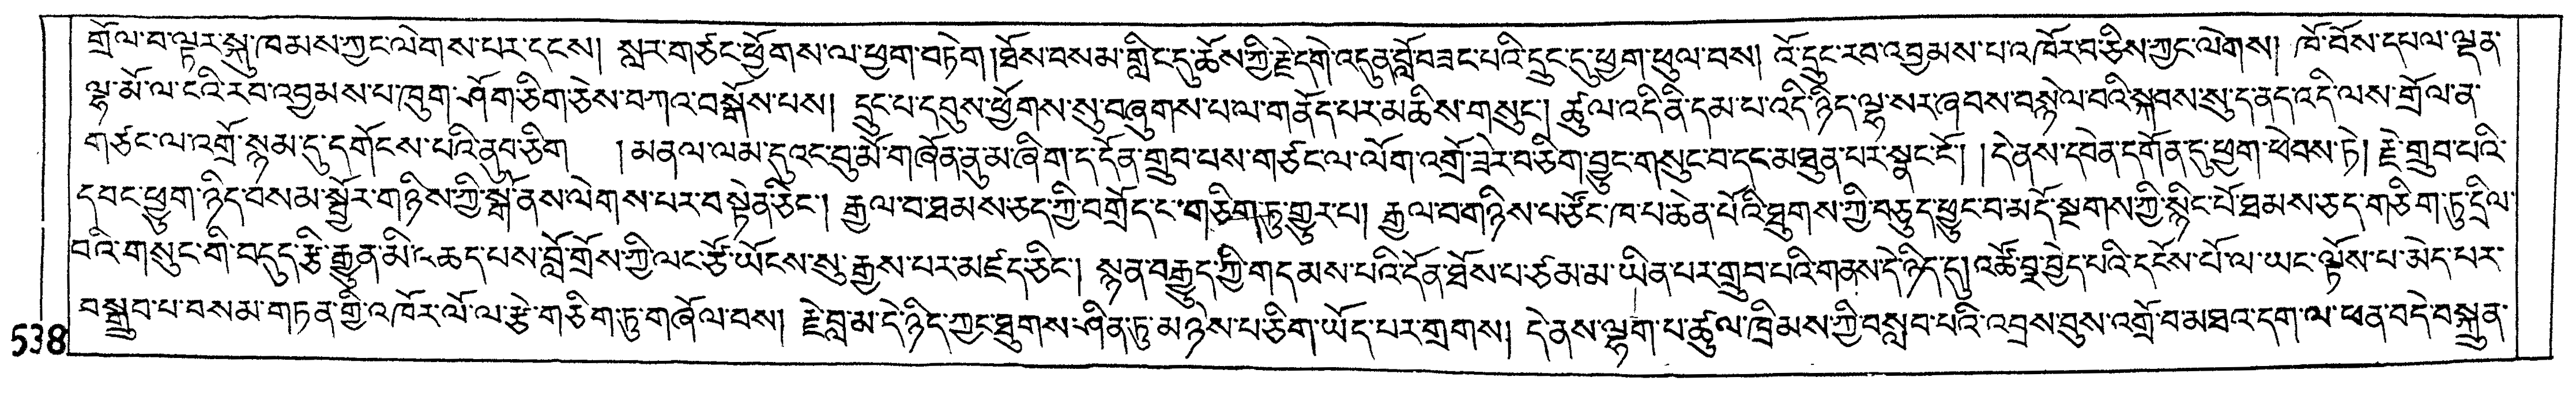གྲོལ་བ་ལྟར་སྐུ་ཁམས་ཀྱང་ལེགས་པར་དངས། སླར་གཙང་ཕྱོགས་ལ་ཕྱག་བཏེག །ཐོས་བསམ་གླིང་དུ་ཆོས་ཀྱི་རྗེ་དགེ་འདུན་བློ་བཟང་པའི་དྲུང་དུ་ཕྱག་ཕུལ་བས། འོ་དྲུང་རབ་འབྱམས་པ་འཁོར་བ་ཅིས་ཀྱང་ལེགས། ཁོ་བོས་དཔལ་ལྡན་
ལྷ་མོ་ལ་ངའི་རབ་འབྱམས་པ་ཁུག་ཤོག་ཅིག་ཅེས་བཀའ་བསྒོས་པས། དྲུང་པ་དབུས་ཕྱོགས་སུ་བཞུགས་པ་ལ་གནོད་པར་མཆིས་གསུང་། ཚུལ་འདི་ནི་དམ་པ་འདི་ཉིད་ལྷ་སར་ཞབས་བསྙེལ་བའི་སྐབས་སུ་ད་ནད་འདི་ལས་གྲོལ་ན་
གཙང་ལ་འགྲོ་སྙམ་དུ་དགོངས་པའི་ནུབ་ཅིག །མནལ་ལམ་དུའང་བུ་མོ་གཞོན་ནུ་མ་ཞིག་ད་དོན་གྲུབ་པས་གཙང་ལ་ལོག་འགྲོ་ཟེར་བ་ཅིག་བྱུང་གསུང་བ་དང་མཐུན་པར་སྣང་ངོ། །དེ་ནས་དབེན་དགོན་དུ་ཕྱག་ཕེབས་ཏེ། རྗེ་གྲུབ་པའི་
དབང་ཕྱུག་ཉིད་བསམ་སྦྱོར་གཉིས་ཀྱི་སྒོ་ནས་ལེགས་པར་བསྟེན་ཅིང་། རྒྱལ་བ་ཐམས་ཅད་ཀྱི་བགྲོད་པ་གཅིག་ཏུ་གྱུར་པ། རྒྱལ་བ་གཉིས་པ་ཙོང་ཁ་པ་ཆེན་པོའི་ཐུགས་ཀྱི་བཅུད་ཕྱུང་བ་མདོ་སྔགས་ཀྱི་སྙིང་པོ་ཐམས་ཅད་གཅིག་ཏུ་དྲིལ་
བའི་གསུང་གི་བདུད་རྩི་རྒྱུན་མི་འཆད་པས་བློ་གྲོས་ཀྱི་ལང་ཙོ་ཡོངས་སུ་རྒྱས་པར་མཛད་ཅིང་། སྙན་བརྒྱུད་ཀྱི་གདམས་པའི་དོན་ཐོས་པ་ཙམ་མ་ཡིན་པར་གྲུབ་པའི་གནས་དེ་ཉིད་དུ། འཚོ་བར་བྱེད་པའི་དངོས་པོ་ལ་ཡང་ལྟོས་པ་མེད་པར་
བསྒྲུབ་པ་བསམ་གཏན་གྱི་འཁོར་ལོ་ལ་རྩེ་གཅིག་ཏུ་གཞོལ་བས། རྗེ་བླ་མ་དེ་ཉིད་ཀྱང་ཐུགས་ཤིན་ཏུ་མཉེས་པ་ཅིག་ཡོད་པར་གྲགས། དེ་ནས་ལྷག་པ་ཚུལ་ཁྲིམས་ཀྱི་བསླབ་པའི་འབྲས་བུས་འགྲོ་བ་མཐའ་དག་ལ་ཕན་བདེ་བསྐྲུན་